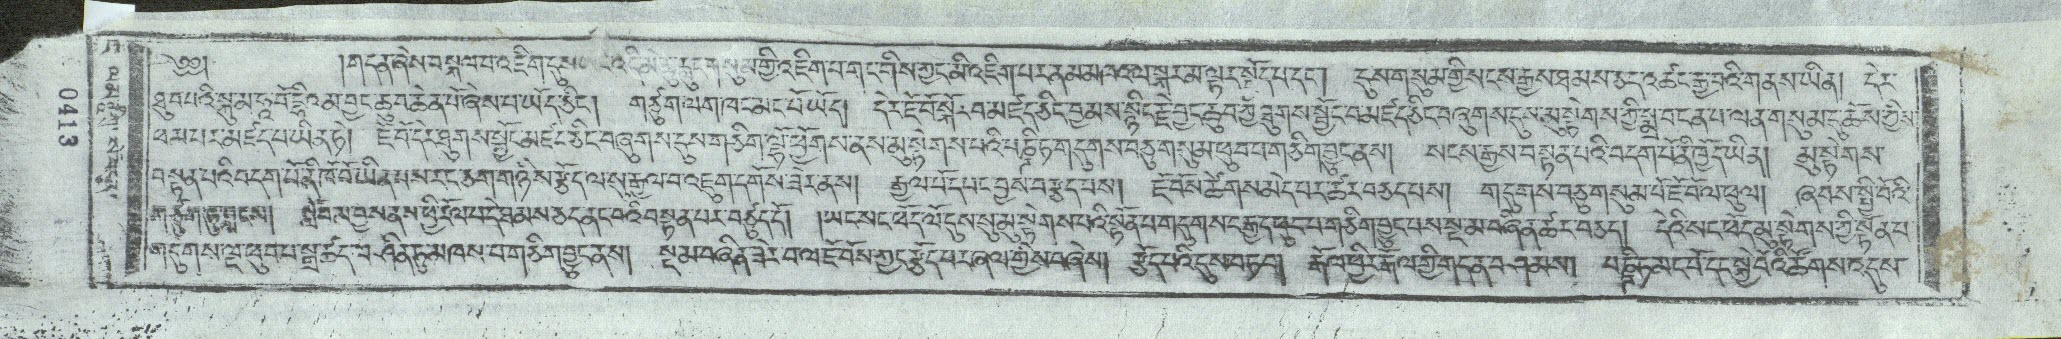༄༅། །གདན་ཞེས་བསྐལ་པ་འཇིག་དུས་ཡང་འདི་མེ་ཆུ་རླུང་གསུམ་གྱི་འཇིག་པ་གང་གིས་ཀྱང་མི་འཇིག་པར་ནམ་མཁའ་ལ་སྐར་མ་ལྟར་སྦྱོད་པ་དང་། དུས་གསུམ་གྱི་སངས་རྒྱས་ཐམས་ཅད་འཚང་རྒྱ་བའི་གནས་ཡིན། དེར་
ཐུབ་པའི་སྐུ་མ་ཧཱ་བོདྷིའམ་བྱང་ཆུབ་ཆེན་པོ་ཞེས་པ་ཡོད་ཅིང་། གཙུག་ལག་ཁང་མང་པོ་ཡོད། དེར་ཇོ་བོ་སྐོར་བ་མཛད་ཅིང་བྱམས་སྙིང་རྗེ་བྱང་ཆུབ་ཀྱི་ཐུགས་སྦྱོང་བ་མཛད་ཅིང་བཞུགས་དུས་མུ་སྟེགས་ཀྱི་སྨྲ་བ་ངན་པ་ལན་གསུམ་དུ་ཆོས་ཀྱིས་
ཕམ་པར་མཛད་པ་ཡིན་ཏེ། ཇོ་བོ་དེར་ཐུགས་སྦྱོང་མཛད་ཅིང་བཞུགས་དུས་གཅིག་ལྷོ་ཕྱོགས་ནས་མུ་སྟེགས་པའི་པཎྜི་ཏ་གདུགས་བཅུ་གསུམ་ཕུབ་པ་གཅིག་བྱུང་ནས། སངས་རྒྱས་བསྟན་པའི་བདག་པོ་ནི་ཁྱོད་ཡིན། མུ་སྟེགས་
བསྟན་པའི་བདག་པོ་ནི་ཁོ་བོ་ཡིན་པས་རང་ཅག་གཉིས་རྩོད་ལ་སུ་རྒྱལ་བ་འཇུག་དགོས་ཟེར་ནས། རྒྱལ་པོ་དབང་བྱས་བརྩད་པས། ཇོ་བོས་ཚེགས་མེད་པར་ཚར་བཅད་པས། གདུགས་བཅུ་གསུམ་པོ་ཇོ་བོ་ལ་ཕུལ། ཞབས་སྤྱི་བོའི་
གཙུག་ཏུ་བླངས། སློབ་མ་བྱས་ནས་ཕྱི་རོལ་པ་དེ་ཐམས་ཅད་ནང་བའི་བསྟན་པར་བཙུད་དོ། །ཡང་སང་ཕོད་ལོ་དུས་སུ་མུ་སྟེགས་པའི་སྟོན་པ་གདུགས་བརྒྱད་ཕུང་པ་གཅིག་བྱུང་པས་སྔམ་བཞིན་ཚར་བཅད། དེའི་སང་ཕོད་མུ་སྟེགས་ཀྱི་སྟོན་པ་
གདུགས་ལྔ་ཕུབ་པ་སྒྲ་ཚད་ལ་ཤིན་ཏུ་མཁས་པ་གཅིག་བྱུང་ནས། སྔ་མ་བཞིན་ཟེར་བ་ལ་ཇོ་བོས་ཀྱང་རྩོད་པར་ཞལ་གྱིས་བཞེས། རྩོད་པའི་དུས་བཏབ། རྒོལ་ཕྱིར་རྒོལ་གྱི་གདན་བཤམས། པཎྜི་ཏ་མང་པོ་དང་སྐྱེ་བོའི་ཚོགས་འདུས་